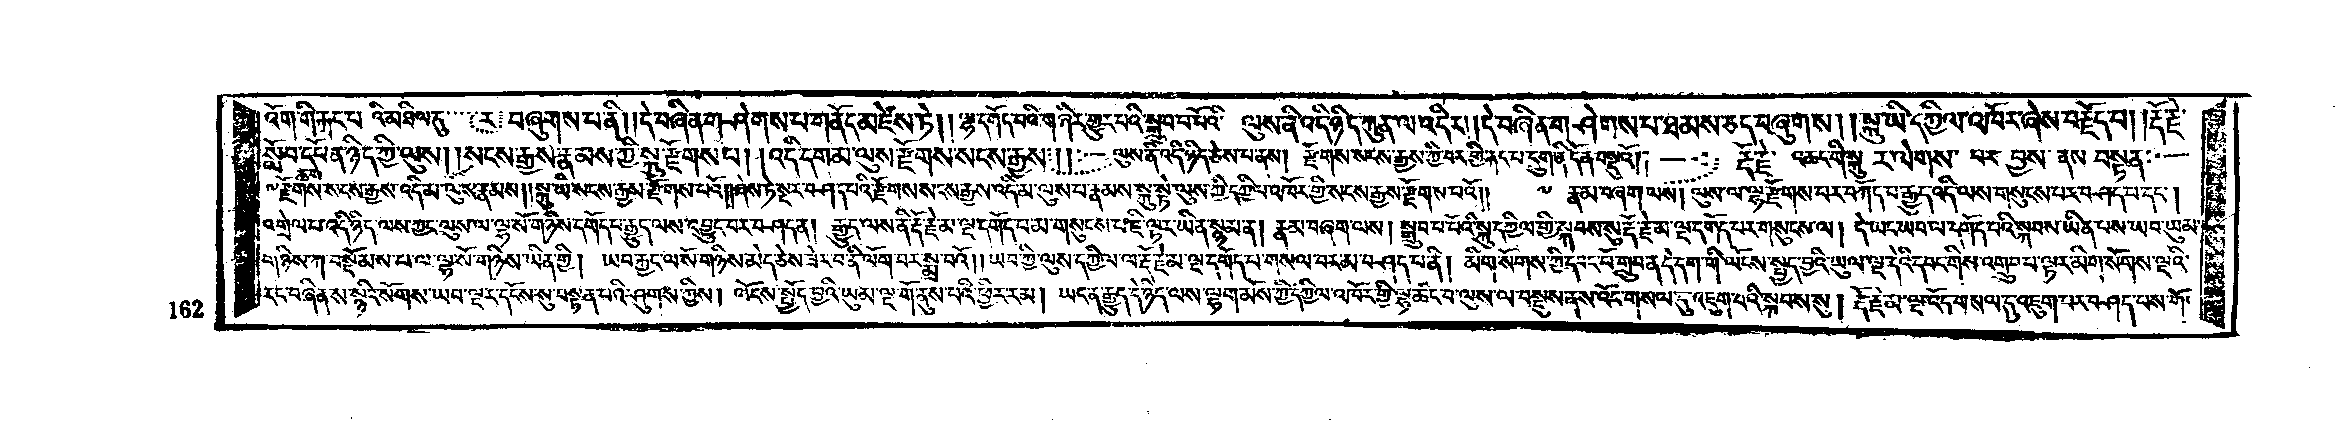འོག་གི་རྐང་པའི་མཐིལ་དུ་ར་བཞུགས་པ་ནི། །དེ་བཞིན་གཤེགས་པ་གནོད་མཛེས་ཏེ། ། ལྷ་དགོད་པའི་གཞིར་གྱུར་པའི་སྒྲུབ་པ་པོའི་ལུས་ནི་འདི་ཉིད་ཀུན་ལ་འདིར། །དེ་བཞིན་གཤེགས་པ་ཐམས་ཅད་བཞུགས། །སྐུ་ཡི་དཀྱིལ་འཁོར་ཞེས་བརྗོད་པ། །རྡོ་རྗེ་
སློབ་དཔོན་ཉིད་ཀྱི་ལུས། །སངས་རྒྱས་རྣམས་ཀྱི་སྐུ་རྫོགས་པ། །འདི་དག་མ་ལུས་རྫོགས་སངས་རྒྱས།།H.་ལུས་ནི་འདི་ཉིད་ཅེས་པ་ནས། རྫོགས་སངས་རྒྱས་ཀྱི་བར་གྱི་རྐང་པ་དྲུག་ནི་དོན་བསྡུའོ།།  .Hརྡོ་རྗེ་འཆང་གི་སྐུར་ལེགས་པར་བྱས་ནས་བསྟནཿ
༧རྫོགས་སངས་རྒྱས་འདི་མ་ལུས་རྣམས། །སྐུ་ཡི་སངས་རྒྱས་རྫོགས་པའོ། །ཞེས་ཏེ་སྔར་བཤད་པའི་རྫོགས་སངས་རྒྱས་འདི་མ་ལུས་པ་རྣམས་སྐུ་སྟེ་ལུས་ཀྱི་དཀྱིལ་འཁོར་གྱི་སངས་རྒྱས་རྫོགས་པའོ།། ༧རྣམ་བཞག་ལས། ལུས་ལ་ལྷ་རྫོགས་པར་བཀོད་པ་རྒྱུད་འདི་ལས་གསུངས་པར་བཤད་པ་དང་།
འགྲེལ་པ་འདི་ཉིད་ལས་ཀྱང་ལུས་ལ་ལྷ་སོ་གཉིས་དགོད་པ་རྒྱུད་ལས་འབྱུང་བར་བཤད་ན། རྒྱུད་ལས་ནི་རྡོ་རྗེ་མ་ལྔ་དགོད་པ་མ་གསུངས་པ་ཇི་ལྟར་ཡིན་སྙམ་ན། རྣམ་བཞག་ལས། སྒྲུབ་པ་པོའི་སྐུ་དཀྱིལ་གྱི་སྐབས་སུ་རྡོ་རྗེ་མ་ལྔ་དགོད་པར་གསུངས་ལ། དེ་ཡང་ཡབ་ལ་དགོད་པའི་སྐབས་ཡིན་པས་ཡབ་ཡུམ་
གཉིས་ཀ་བསྡོམས་པ་ལ་ལྷ་སོ་གཉིས་ཡིན་གྱི། ཡབ་རྐྱང་ལ་སོ་གཉིས་མེད་ཅེས་ཟེར་བ་ནི་ལོག་པར་སྨྲ་བའོ། །ཡབ་ཀྱི་ལུས་དཀྱིལ་ལ་རྡོ་རྗེ་མ་ལྔ་དགོད་པ་གསལ་བར་མ་བཤད་པ་ནི། མིག་སོགས་ཀྱི་དབང་པོ་གྲུབ་ན་དེ་དག་གི་ལོངས་སྤྱད་བྱའི་ཡུལ་ལྔ་དེའི་དབང་གིས་འགྲུབ་པར་ལྟར་མིག་སོགས་ལྔའི་
རང་བཞིན་ས་སྙིང་སོགས་ཡབ་ལྔར་དངོས་སུ་བསྟན་པའི་ཤུགས་ཀྱིས། ལོངས་སྤྱོད་བྱའི་ཡུམ་ལྔ་གོ་ནུས་པའི་ཕྱིར་རམ། ཡང་ན་རྒྱུད་དེ་ཉིད་ལས་ལྷག་མོས་ཀྱི་དཀྱིལ་འཁོར་གྱི་ལྷ་ཚང་བ་ལུས་ལ་བསྡུས་ནས་འོད་གསལ་དུ་འཇུག་པའི་སྐབས་སུ། རྡོ་རྗེ་མ་ལྔ་འོད་གསལ་དུ་འཇུག་པར་བཤད་པས་གང་?